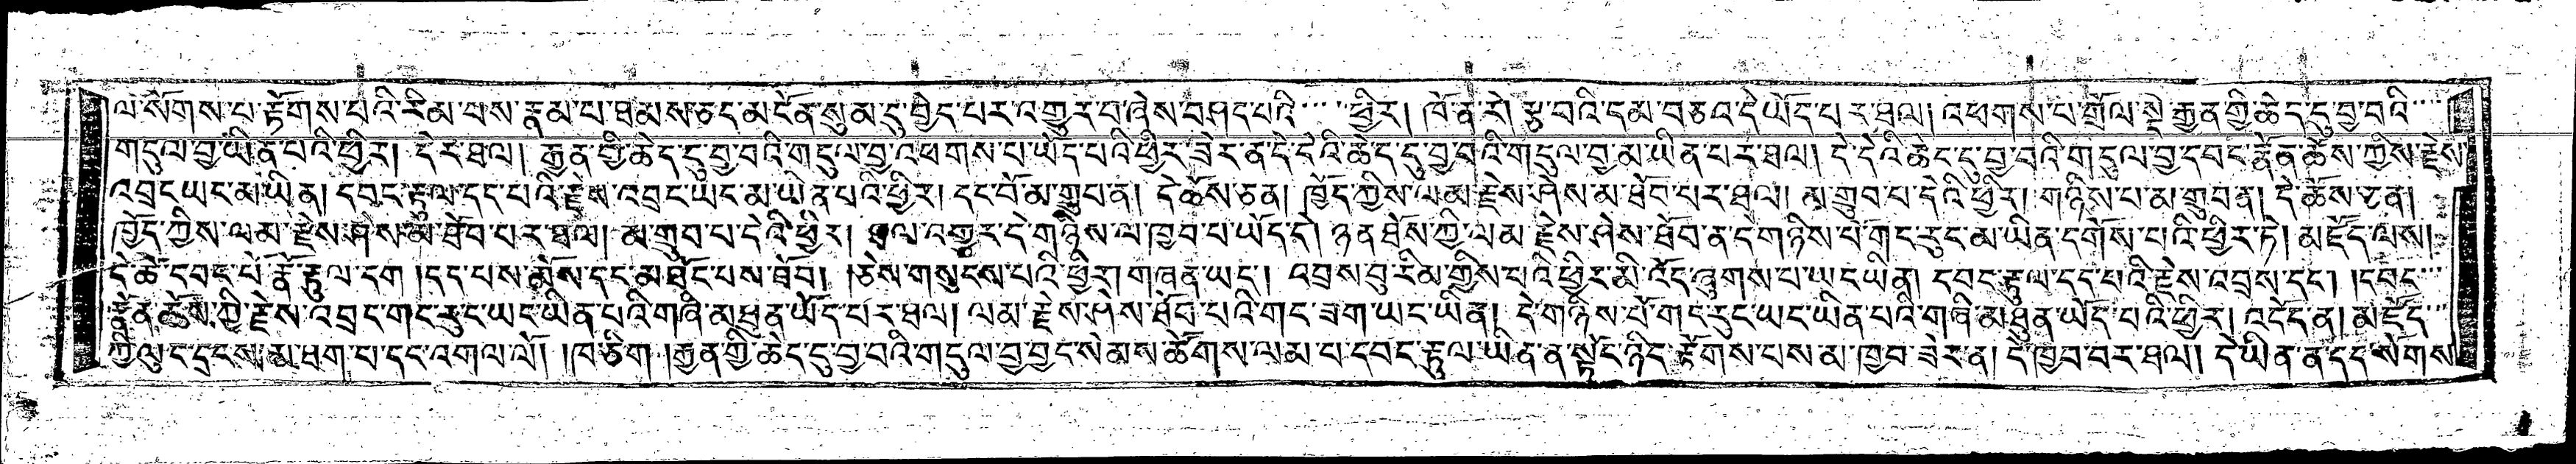ལ་སོགས་པ་རྟོགས་པའི་རིམ་པས་རྣམ་པ་ཐམས་ཅད་མངོན་སུམ་དུ་བྱེད་པར་འགྱུར་བ་ཞེས་བཤད་པའི་ཕྱིར། ཁོ་ན་རེ། རྩ་བའི་དམ་བཅའ་དེ་ཡོད་པར་ཐལ། འཕགས་པ་གྲོལ་སྡེ་རྒྱན་གྱི་ཆེད་དུ་བྱ་བའི་
གདུལ་བྱ་ཡིན་པའི་ཕྱིར། དེར་ཐལ། རྒྱན་གྱི་ཆེད་དུ་བྱ་བའི་གདུལ་བྱ་འཕགས་པ་ཡོད་པའི་ཕྱིར་ཟེར་ན་དེ་དེའི་ཆེད་དུ་བྱ་བའི་གདུལ་བྱ་མ་ཡིན་པར་ཐལ། དེ་དེའི་ཆེད་དུ་བྱ་བའི་གདུལ་བྱ་དབང་རྣོན་ཆོས་ཀྱི་རྗེས་
འབྲང་ཡང་མ་ཡིན། དབང་རྟུལ་དད་པའི་རྗེས་འབྲང་ཡང་མ་ཡིན་པའི་ཕྱིར། དང་པོ་མ་གྲུབ་ན། དེ་ཆོས་ཅན། ཁྱོད་ཀྱིས་ལམ་རྗེས་ཤེས་མ་ཐོབ་པར་ཐལ། མ་གྲུབ་པ་དེའི་ཕྱིར། གཉིས་པ་མ་གྲུབ་ན། དེ་ཆོས་ཅན།
ཁྱོད་ཀྱིས་ལམ་རྫེས་ཤེས་མ་ཐོབ་པར་ཐལ། མ་གྲུབ་པ་དེའི་ཕྱིར། ཐལ་འགྱུར་དེ་གཉིས་ལ་ཁྱབ་པ་ཡོད་དེ། ཉན་ཐོས་ཀྱི་ལམ་རྗེས་ཤེས་ཐོབ་ན་དེ་གཉིས་པོ་གང་རུང་མ་ཡིན་དགོས་པའི་ཕྱིར་ཏེ། མཛོད་ལས།
དེ་ཚེ་དབང་པོ་རྣོ་རྟུལ་དག །དད་པས་མོས་དང་མཐོང་བས་ཐོབ། །ཅེས་གསུངས་པའི་ཕྱིར། གཞན་ཡང་། འབྲས་བུ་རིམ་གྱིས་པའི་ཕྱིར་མི་འོད་ཞུགས་པ་ཡང་ཡིན། དབང་རྟུལ་དད་པའི་རྗེས་འབྲང་དང་། །དབང་
རྣོན་ཆོས་ཀྱི་རྗེས་འབྲང་གང་རུང་ཡང་ཡིན་པའི་གཞི་མཐུན་ཡོད་པར་ཐལ། ལམ་རྗེས་ཤེས་ཐོབ་པའི་གང་ཟག་ཡང་ཡིན། དེ་གཉིས་པོ་གང་རུང་ཡང་ཡིན་པའི་གཞི་མཐུན་ཡོད་པའི་ཕྱིར། འདོད་ན། མཛོད་
ཀྱི་ལུང་དྲངས་མ་ཐག་པ་དང་འགལ་ལོ། །ཁ་ཅིག །རྒྱན་གྱི་ཆེད་དུ་བྱ་བའི་གདུལ་བྱ་བྱང་སེམས་ཚོགས་ལམ་པ་དབང་རྟུལ་ཡིན་ན་སྟོང་ཉིད་རྟོགས་པས་མ་ཁྱབ་ཟེར་ན། དེ་ཁྱབ་པར་ཐལ། དེ་ཡིན་ན་དད་སོགས་